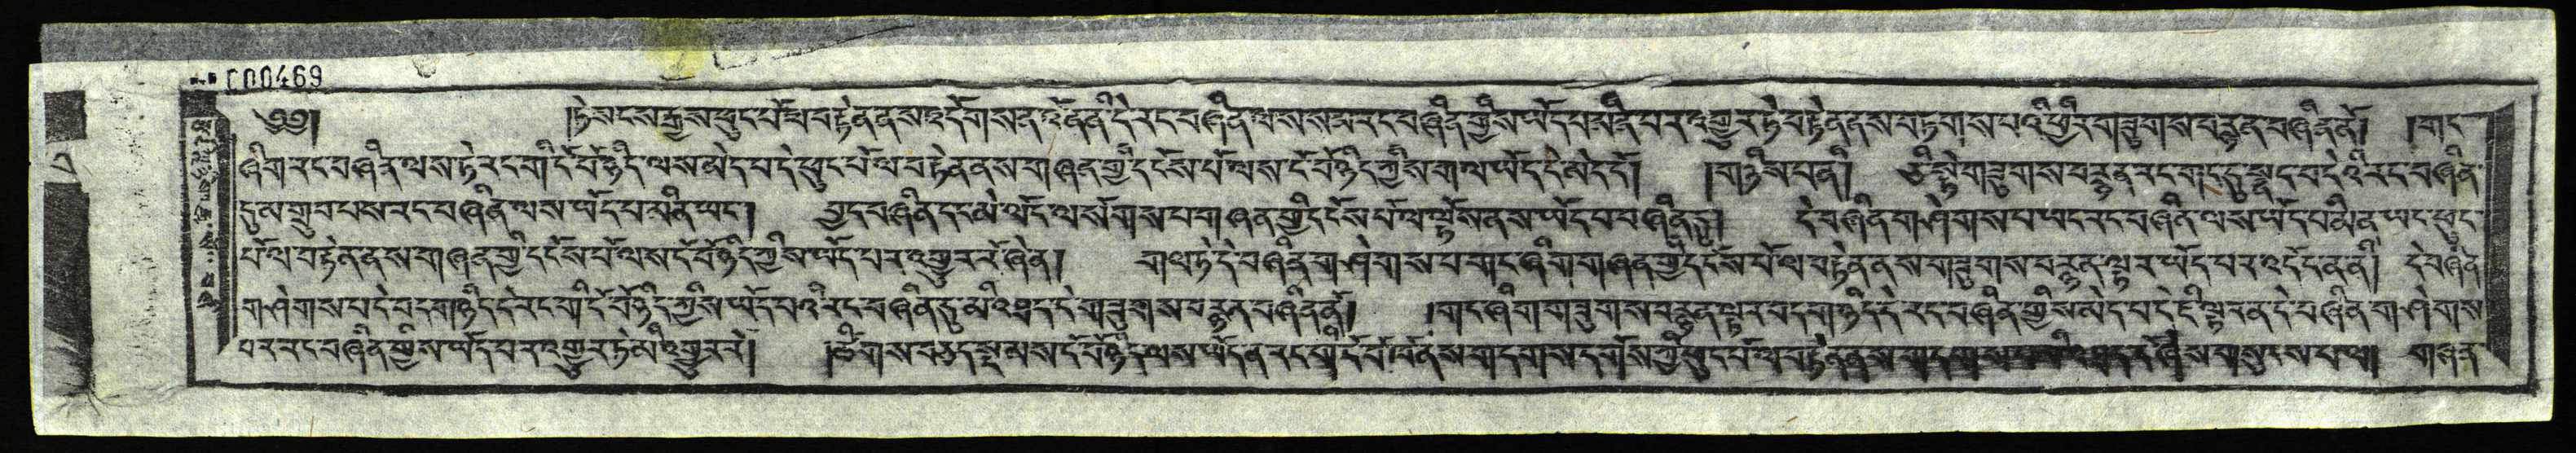༄༅། །ཏེ་སངས་རྒྱས་ཕུང་པོ་ལ་བརྟེན་ནས་འདོགས་ན་འོ་ན་ནི་དེ་རང་བཞིན་ལས་སམ་རང་བཞིན་གྱིས་ཡོད་པ་མིན་པར་འགྱུར་ཏེ་བརྟེན་ནས་བཏགས་པའི་ཕྱིར་གཟུགས་བརྙན་བཞིན་ནོ། །གང་
ཞིག་རང་བཞིན་ལས་ཏེ་རང་གི་ངོ་བོ་ཉིད་ལས་མེད་པ་དེ་ཕུང་པོ་ལ་བརྟེན་ནས་གཞན་གྱི་དངོས་པོ་ལས་ངོ་བོ་ཉིད་ཀྱིས་ག་ལ་ཡོད་དེ་མེད་དོ། །གཉིས་པ་ནི། ཅི་སྟེ་གཟུགས་བརྙན་རང་གང་དུ་སྣང་བ་དེའི་རང་བཞིན་
དུ་མ་གྲུབ་པས་རང་བཞིན་ལས་ཡོད་པ་མིན་ཡང་། བྱང་བཞིན་དང་མེ་ལོང་ལ་སོགས་པ་གཞན་གྱི་དངོས་པོ་ལ་ལྟོས་ནས་ཡོད་པ་བཞིན་དུ། དེ་བཞིན་གཤེགས་པ་ཡང་རང་བཞིན་ལས་ཡོད་པ་མིན་ཡང་ཕུང་
པོ་ལ་བརྟེན་ནས་གཞན་གྱི་དངོས་པོ་ལས་ངོ་བོ་ཉིད་ཀྱིས་ཡོད་པར་འགྱུར་རོ་ཞེ་ན། གལ་ཏེ་དེ་བཞིན་གཤེགས་པ་གང་ཞིག་གཞན་གྱི་དངོས་པོ་ལ་བརྟེན་ནས་གཟུགས་བརྙན་ལྟར་ཡོད་པར་འདོད་ན་ནི། དེ་བཞིན་
གཤེགས་པ་དེ་བདག་ཉིད་དེ་རང་གི་ངོ་བོ་ཉིད་ཀྱིས་ཡོད་པའི་རང་བཞིན་དུ་མི་འཐད་དེ་གཟུགས་བརྙན་བཞིན་ནོ། །གང་ཞིག་གཟུགས་བརྙན་ལྟར་བདག་ཉིད་དེ་རང་བཞིན་གྱིས་མེད་པ་དེ་ཇི་ལྟར་ན་དེ་བཞིན་གཤེགས་
པར་རང་བཞིན་གྱིས་ཡོད་པར་འགྱུར་ཏེ་མི་འགྱུར་རོ། །ཚིགས་བཅད་སྔ་མས་ངོ་བོ་ཉིད་ལས་ཡོད་ན་རང་གི་ངོ་བོ་ཁོ་ནས་གདགས་དགོས་ཀྱི་ཕུང་པོ་ལ་བརྟེན་ནས་གདགས་པ་མི་འཐད་དོ་ཞེས་གསུངས་པ་ལ། གཞན་